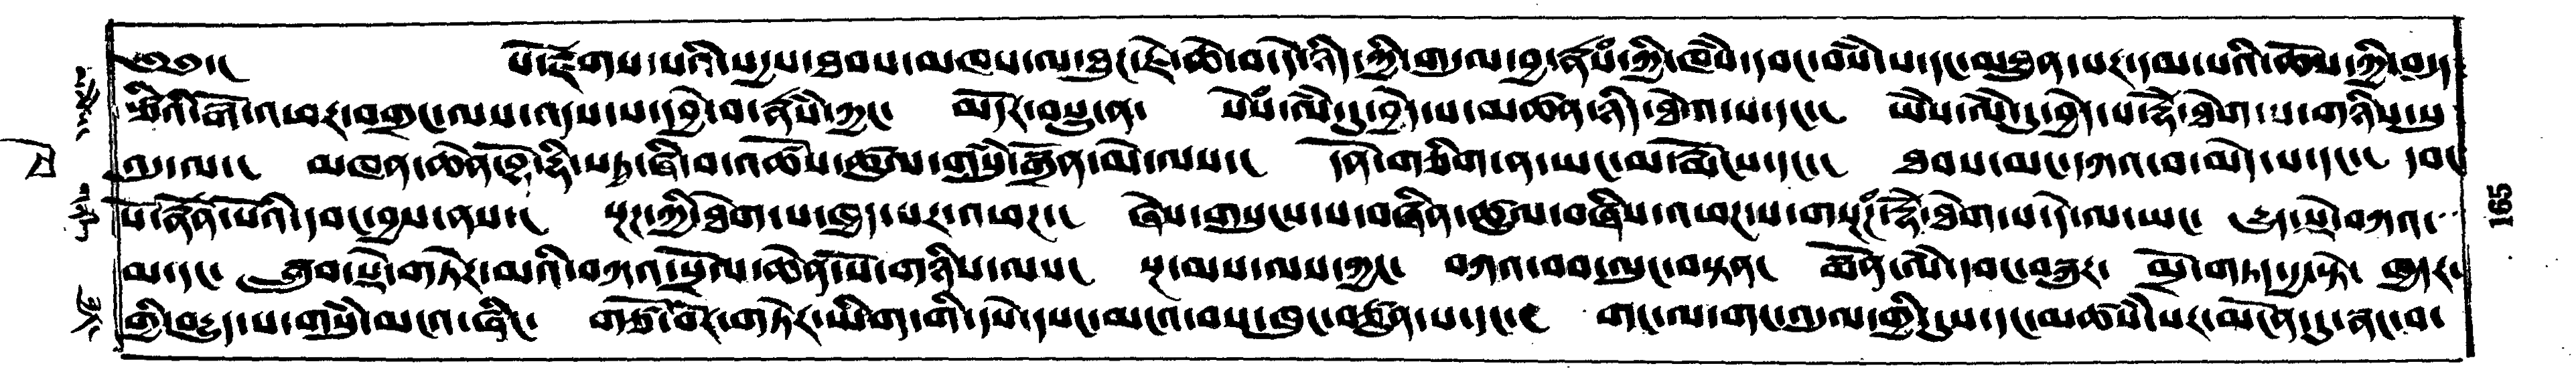པར་རྫོགས་པའི་སངས་རྒྱས་ཐབས་མཁས་ལ་ཐུགས་རྗེ་ཆེ་བ་དེ་ཉིད་ཀྱིས་གདུལ་བྱ་རྣམས་ཀྱི་ཁམས་དབང་བསམ་པ་དང་མཐུན་པར་དམ་པའི་ཆོས་ཀྱི་བདུད་
རྩིའི་སྒོ་འཕར་བགྲང་ལས་འདས་པ་དབྱེ་བ་རྣམས་ཀྱང་། མདོར་བསྡུ་ན། སེམས་ལམ་དུ་བྱེད་པ་མཚན་ཉིད་ཐེག་པ་དང་།ཡེ་ཤེས་ལམ་དུ་བྱེད་པ་རྡོ་རྗེ་ཐེག་པ་གཉིས་སུ་
འདུ་ལ། མཁན་ཆེན་བྷོ་དྷི་སཏྭ་ཞི་བ་འཚོས། ཚུལ་གསུམ་སྒྲོན་མེ་ལས། དོན་གཅིག་ན་ཡང་མ་རྨོངས་དང་། །ཐབས་མང་དཀའ་བ་མེད་པ་དང་། །དབང་
པོ་རྣོན་པོའི་དབང་བྱས་ནས། །སྔགས་ཀྱི་ཐེག་པ་ཁྱད་པར་འཕགས། །ཞེས་གསུངས་པ་བཞིན་ཚུལ་བཞིས་འཕགས་པ་གསང་སྔགས་རྡོ་རྗེ་ཐེག་པ་དེ་ལ་ཡང་། རྒྱུད་སྡེ་བཀའ་
མ་དང་། སྒྲུབ་སྡེ་གཏེར་མའི་བཀའ་སྲོལ་ཆེན་པོ་གཉིས་ལས། སྔ་མས་ལ་ཡང་། བཀའ་བབ་ལུང་བསྟན། སྨོན་ལམ་དབང་བསྐུར། མཁའ་འགྲོ་གཏད་རྒྱ་སྟེ། ཁྱད་པར་
གྱི་བརྒྱུད་པ་གསུམ་མངའ་ཞིང་། གཙོ་བོར་གཏེར་ཡིག་གི་དཔེ་དཔང་མངའ་བས་ཁུངས་བཙུན་པ་དང་། གང་ལ་གང་འདུལ་གྱི་དུས་དང་འཚམས་པར་མངོན་དུ་སྣང་བ་